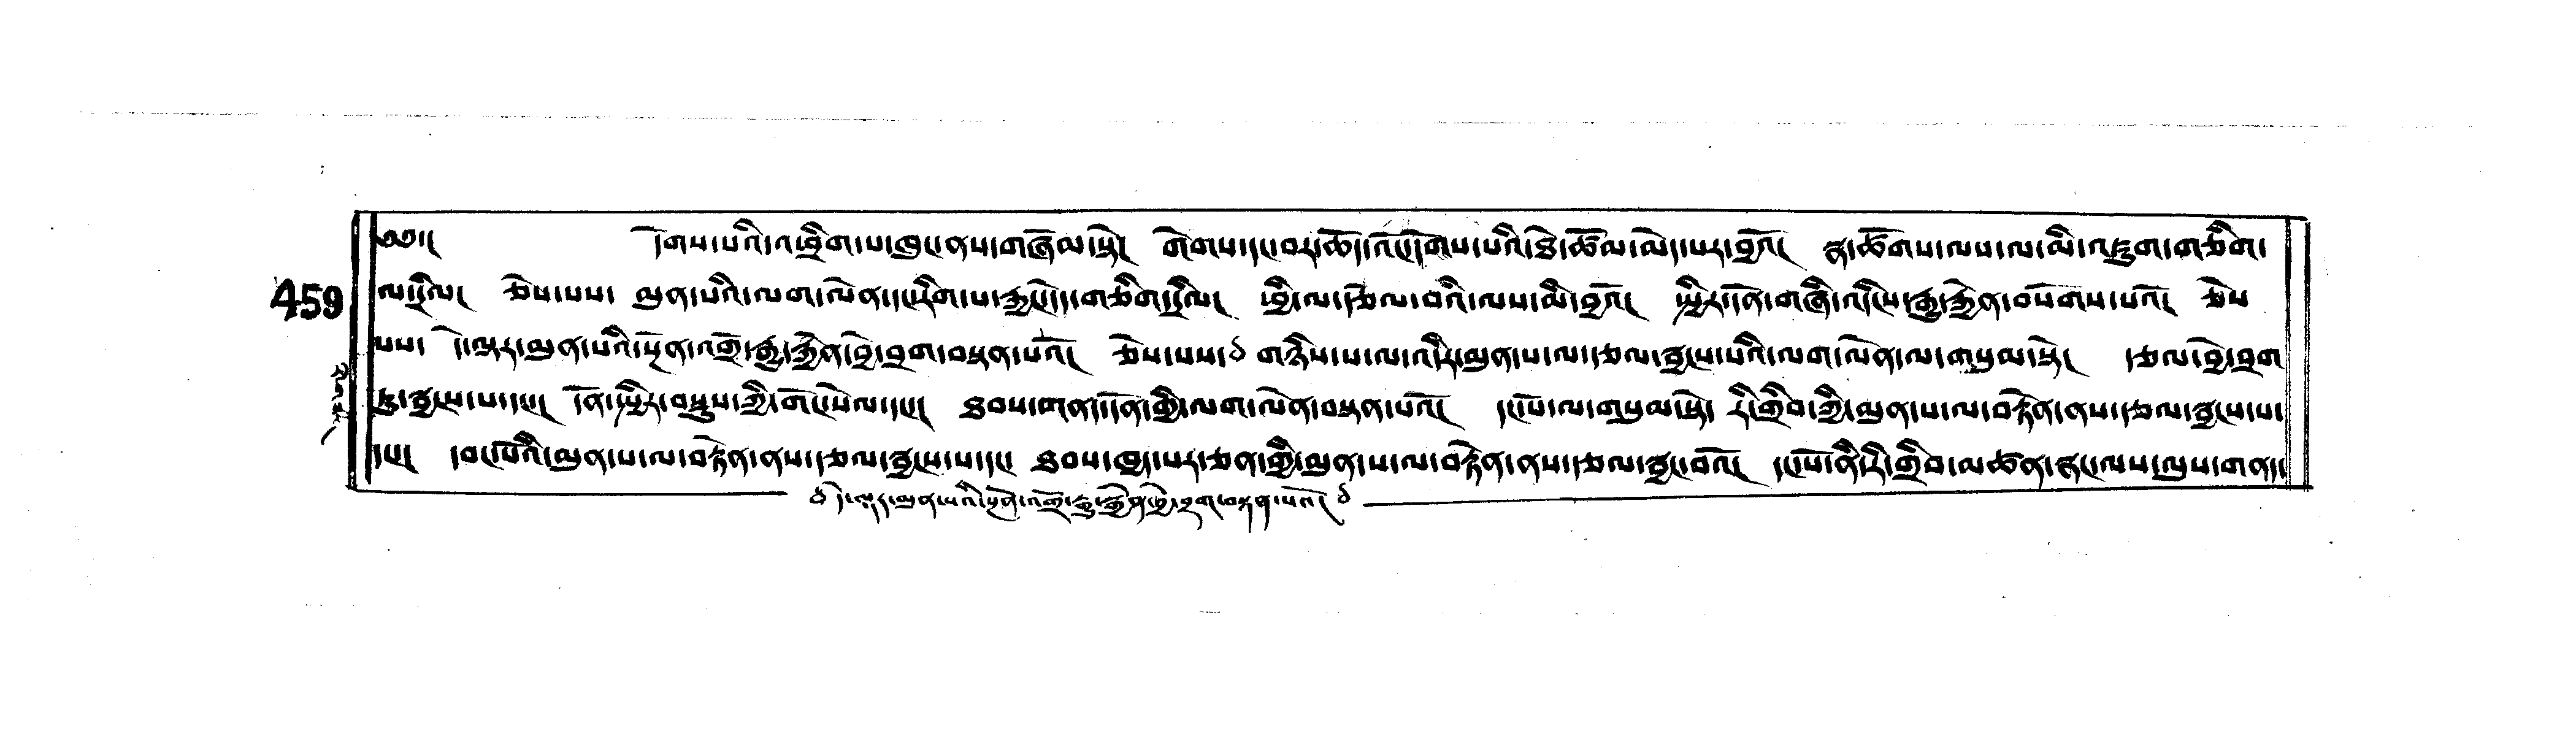དྭོགས་པའི་འཕྲིག་པ་ཁུངས་ནས་གཞོམ་སྟེ། གེགས་དང་བར་ཆོད་འོང་དྭོགས་པའི་ཐེ་ཚོམ་མེད་པར་བྱའོ། སྣ་ཚོགས་ལས་ལ་མི་འཇུག་གཅིག་
ལ་དྲིལ། ཅེས་པས། མུན་པའི་ལག་ལེན་དང་རིག་པ་རྐྱང་དེད་གཅིག་དྲིལ། ཕྱི་མ་རྩོལ་བའི་ལས་མི་བྱའོ། སྤྱིར་དོན་བཞི་འདིངས་རྒྱུ་རྐྱེན་གསོག་པའོ། ཅེས་
པས། དེ་ལྟར་མུན་པའི་སྔོན་འགྲོ་རྒྱུ་རྐྱེན་བྱེ་བྲག་བསྟན་པའོ། ཅེས་པས། གཉིས་པ་ལ་འདིར་མུན་པ་ལ་རྩལ་སྦྱངས་པའི་ལག་ལེན་ལ་གསུམ་སྟེ། རྩལ་བྱེ་བྲག་
ཏུ་སྦྱངས་པ་དང་། དོན་སྤྱིར་བསྡུས་ཀྱི་གོང་སེལ་དང་། ཐབས་གནད་དོན་གྱི་ལག་ལེན་བསྟན་པའོ། དང་པོ་ལ་གསུམ་སྟེ། རི་གྲིབ་ཀྱི་མུན་པ་ལ་བརྟེན་ནས་རྩལ་སྦྱངས་པ་
དང་། དབང་པོའི་མུན་པ་ལ་བརྟེན་ནས་རྩལ་སྦྱངས་པ་དང་། ཐབས་ཁྱད་པར་ཅན་གྱི་མུན་པ་ལ་བརྟེན་ནས་རྩལ་སྦྱངས་པའོ། དང་པོ་ལ་རི་གྲིབ་མཚན་སྣང་ལས་ལུས་གནད་